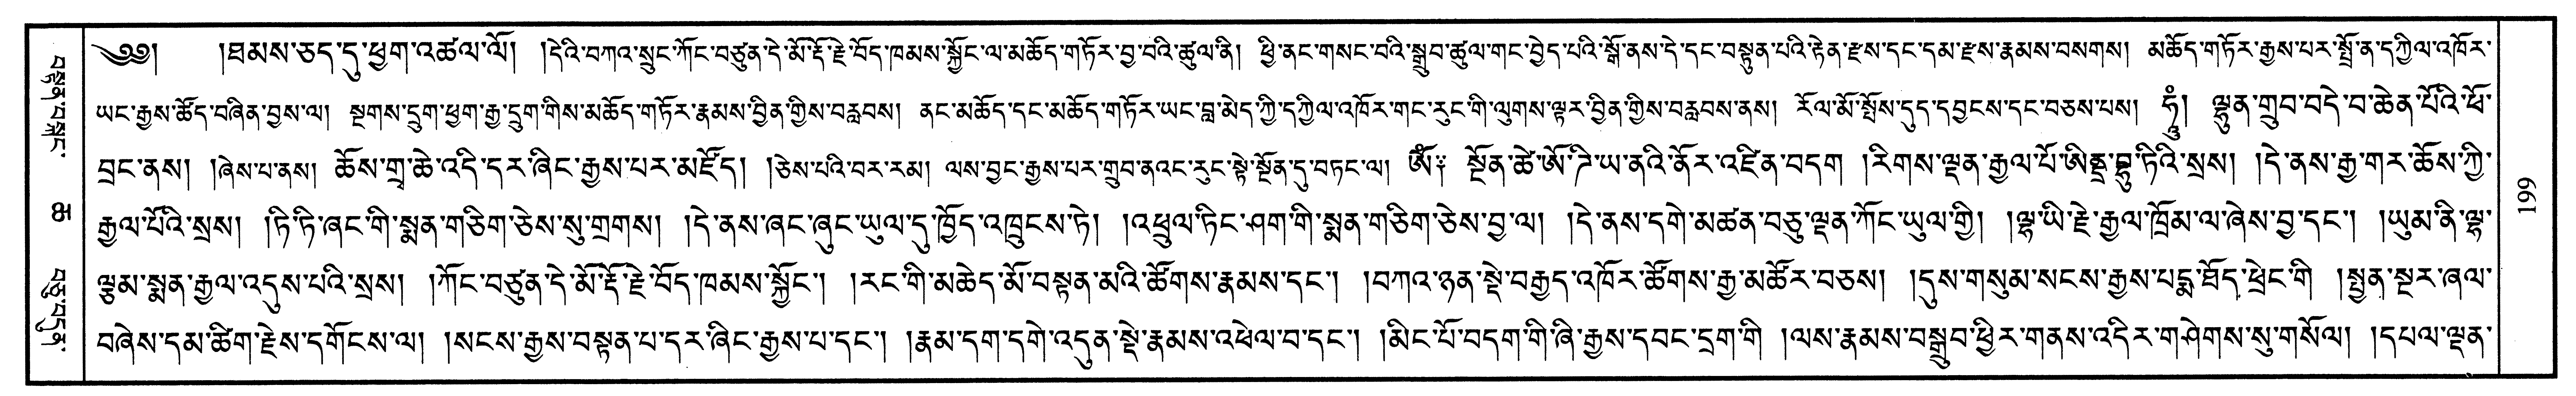༄༅། །ཐམས་ཅད་དུ་ཕྱག་འཚལ་ལོ། །དེའི་བཀའ་སྲུང་ཀོང་བཙུན་དེ་མོ་རྡོ་རྗེ་བོད་ཁམས་སྐྱོང་ལ་མཆོད་གཏོར་བྱ་བའི་ཚུལ་ནི། ཕྱི་ནང་གསང་བའི་སྒྲུབ་ཚུལ་གང་བྱེད་པའི་སྒོ་ནས་དེ་དང་བསྟུན་པའི་རྟེན་རྫས་དང་དམ་རྫས་རྣམས་བསགས། མཆོད་གཏོར་རྒྱས་པར་སྤྲོ་ན་དཀྱིལ་འཁོར་
ཡང་རྒྱས་ཚོད་བཞིན་བྱས་ལ། སྔགས་དྲུག་ཕྱག་རྒྱ་དྲུག་གིས་མཆོད་གཏོར་རྣམས་བྱིན་གྱིས་བརླབས། ནང་མཆོད་དང་མཆོད་གཏོར་ཡང་བླ་མེད་ཀྱི་དཀྱིལ་འཁོར་གང་རུང་གི་ལུགས་ལྟར་བྱིན་གྱིས་བརླབས་ནས། རོལ་མོ་སྤོས་དུད་དབྱངས་དང་བཅས་པས། ཧཱུཾ། ལྷུན་གྲུབ་བདེ་བ་ཆེན་པོའི་ཕོ་
བྲང་ནས། །ཞེས་པ་ནས། ཆོས་གྲྭ་ཆེ་འདི་དར་ཞིང་རྒྱས་པར་མཛོད། །ཅེས་པའི་བར་རམ། ལས་བྱང་རྒྱས་པར་གྲུབ་ནའང་རུང་སྟེ་སྔོན་དུ་བཏང་ལ། ཨོཾ༑ སྔོན་ཚེ་ཨོ་ཌི་ཡ་ནའི་ནོར་འཛིན་བདག །རིགས་ལྡན་རྒྱལ་པོ་ཨིནྡྲ་བྷུ་ཏིའི་སྲས། །དེ་ནས་རྒྱ་གར་ཆོས་ཀྱི་
རྒྱལ་པོའི་སྲས། །ཏི་ཏི་ཞང་གི་སྨན་གཅིག་ཅེས་སུ་གྲགས། །དེ་ནས་ཞང་ཞུང་ཡུལ་དུ་ཁྱོད་འཁྲུངས་ཏེ། །འཕྲུལ་ཏིང་ཤག་གི་སྨན་གཅིག་ཅེས་བྱ་ལ། །དེ་ནས་དགེ་མཚན་བཅུ་ལྡན་ཀོང་ཡུལ་གྱི། །ལྷ་ཡི་རྗེ་རྒྱལ་ཁྲོམ་ལ་ཞེས་བྱ་དང་། །ཡུམ་ནི་ལྷ་
ལྕམ་སྨན་རྒྱལ་འདུས་པའི་སྲས། །ཀོང་བཙུན་དེ་མོ་རྡོ་རྗེ་བོད་ཁམས་སྐྱོང་། །རང་གི་མཆེད་མོ་བསྟན་མའི་ཚོགས་རྣམས་དང་། །བཀའ་ཉན་སྡེ་བརྒྱད་འཁོར་ཚོགས་རྒྱ་མཚོར་བཅས། །དུས་གསུམ་སངས་རྒྱས་པདམ་ཐོད་ཕྲེང་གི །སྤྱན་སྔར་ཞལ་
བཞེས་དམ་ཚིག་རྗེས་དགོངས་ལ། །སངས་རྒྱས་བསྟན་པ་དར་ཞིང་རྒྱས་པ་དང་། །རྣམ་དག་དགེ་འདུན་སྡེ་རྣམས་འཕེལ་བ་དང་། །མིང་པོ་བདག་གི་ཞི་རྒྱས་དབང་དྲག་གི །ལས་རྣམས་བསྒྲུབ་ཕྱིར་གནས་འདིར་གཤེགས་སུ་གསོལ། །དཔལ་ལྡན་